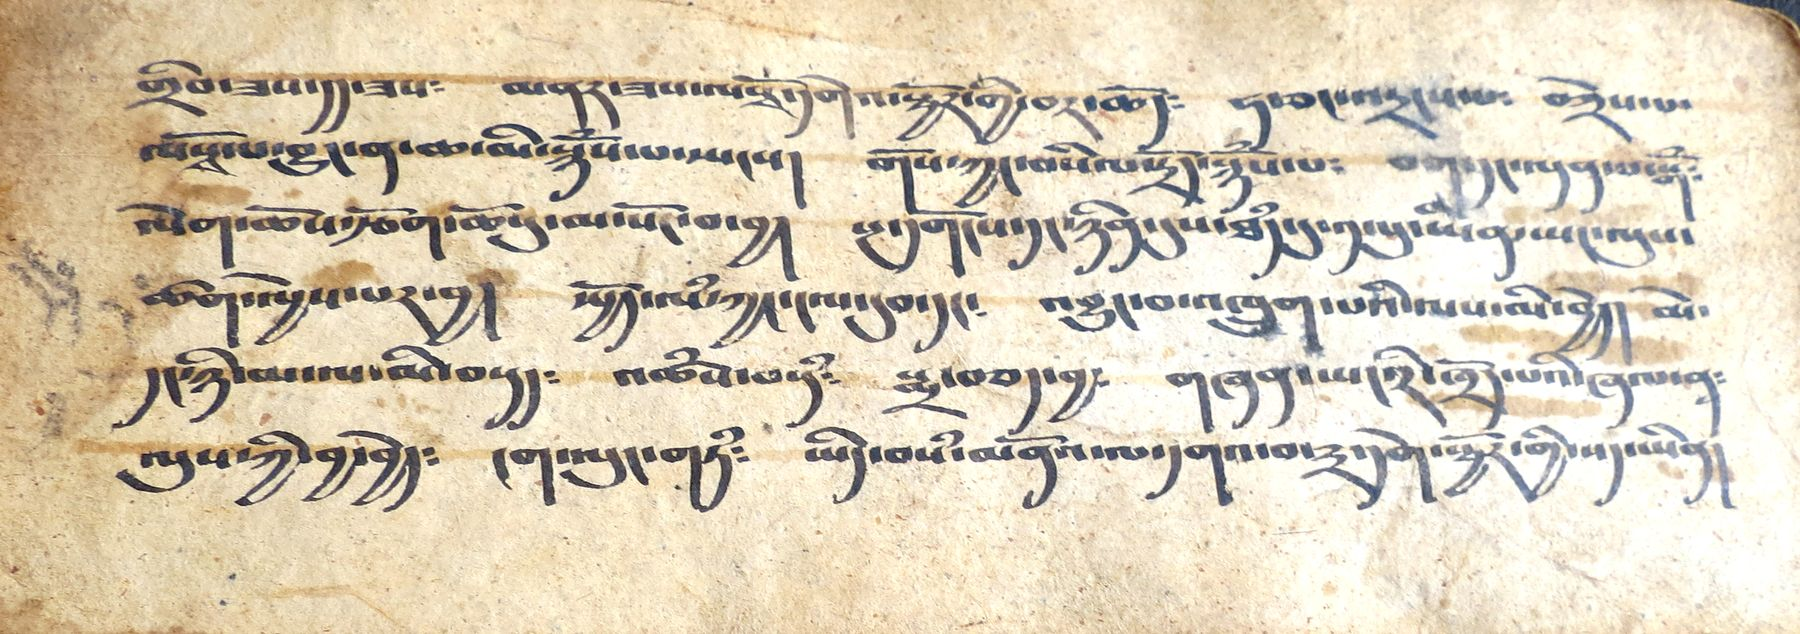གྲིབ་ཟས། དད་ཟས། རྣལ་ཟས་ལ་སོགས་དགེ་སྦྱོར་གྱི་བར་ཆོད་དང་། ཧ་ཅང་འགྲངས་པ། བཀྲེས་པ་
ལ་སོགས་འབྱུང་བ་ཆ་མི་སྙོམས་པ་སྤངས། གོས་ཀྱང་བསིལ་དྲོད་སྙོམས་པ། བག་དང་ལྡན་པ་གོན། 
ལོག་ཆོས་དང་བཙོག་བཅོས་སུ་མ་སོང་བ་བྱ། སྔ་དགོང་དང་ཉིན་དུས་ཐམས་ཅད་དུ་གཅིག་པུ་ཡིན་ཡང་ལུས་
ཚགས་ལེགས་པར་བྱ། སྤྱོད་ལམ་ཡང་ངལ་དུབ་དང་འབྱུང་བ་འཁྲུགས་པའི་ལས་མི་བྱ། མེ་
དང་ཉི་མ་ལ་མི་བསྡད་མཚམས་བསྡམ། སྨྲ་བཅད་བྱ། གཞན་ཡང་རི་ཁྲོད་པའི་ཞལ་ནས། 
ལུས་བྱ་བྱེད། ངག་ལོང་གཏམ། ཡིད་བསམ་མནོ་ལ་དགའ་བ་གསུམ་དགེ་སྦྱོར་གྱི་སད་ཡིན།